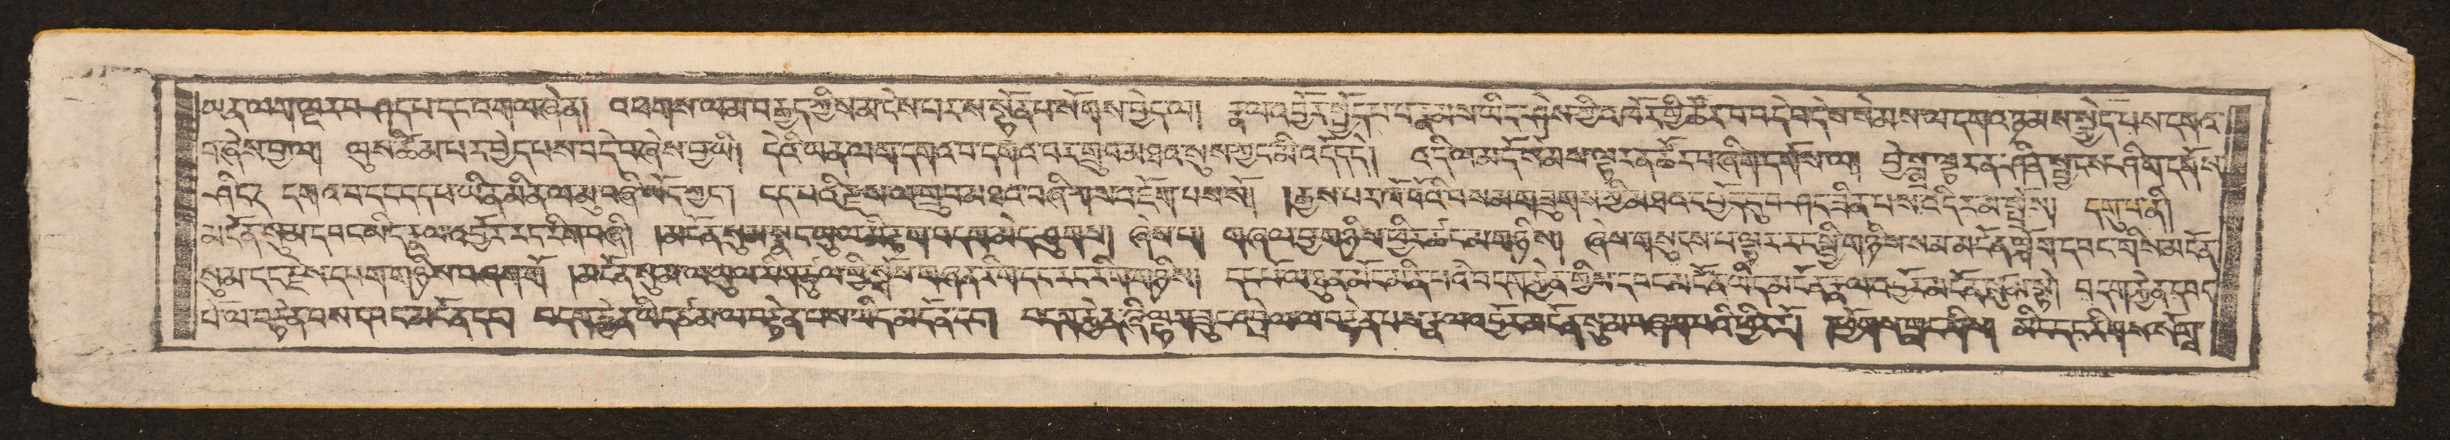ཡན་ལག་ལྔར་བཤད་པ་དང་འགལ་ཞེ་ན། འཕགས་ལམ་བརྒྱད་ཀྱིས་མ་ངེས་པར་ས་སྟོན་པ་སོགས་བྱེད་ལ། རྣལ་འབྱོར་སྤྱོད་པ་པ་རྣམས་ཡིད་ཤེས་ཀྱི་འཁོར་གྱི་ཚོར་བ་བདེ་བ་དེས་སེམས་ལ་དགའ་ཉམས་སྐྱེད་པས་དགའ་
བ་ཞེས་བྱ་ལ། ལུས་ཚིམ་པར་བྱེད་པས་བདེ་བ་ཞེས་བྱ་ཡི། དེའི་ཡན་ལག་དགའ་བ་དགའ་བར་གྲུབ་མཐའ་སུས་ཀྱང་མི་འདོད་དེ། འདི་ལ་མདོ་སེམས་ལྟར་ན་ཚོར་བ་ཞིག་དགོས་ལ། བྱེ་སྨྲ་ལྟར་ན་ཤིན་སྦྱངས་ཤིག་དགོས་
ཤིང༑ དགའ་བ་དང་དད་པ་ཡིན་མིན་ལ་མུ་བཞི་ཡོད་ཀྱང་། དད་པའི་རྫས་ལ་གྲུབ་མཐའ་བཞི་ཀས་འཇོག་པས་སོ། །རྒྱས་པར་ཁོ་བོའི་བསམ་གཟུགས་ཀྱི་མཐའ་དཔྱོད་དུ་བཤང་ཟིན་པས་འདིར་མ་སྤྲོས། དགུ་པ་ནི།
མངོན་སུམ་དབང་ཡིད་རྣལ་འབྱོར་རང་རིག་བཞི། །མངོན་སུམ་སྣང་ཡུལ་མི་རྟག་བདག་མེད་ཤུགས། ཞེས་པ། གཞལ་བྱ་གཉིས་ཕྱིར་ཚང་མ་གཉིས། ཞེས་གསུངས་པ་ལྟར་རང་སྤྱི་གཉིས་སམ་མངོན་ལྐོག་དབང་གིས་མངོན་
སུམ་དང་རྗེས་དཔག་གཉིས་བཞག་གོ །མངོན་སུམ་ལ་ཡུལ་རིག་ཚུལ་གྱི་སྒོས་གཞན་རིག་དང་རང་རིག་གཉིས། དང་པོ་ལ་ཐུན་མོང་མིན་པའི་བདག་རྐྱེན་གྱིས་དབང་མངོན་ཡིད་མངོན་རྣལ་འབྱོར་མངོན་སུམ་སྟེ། བདག་རྐྱེན་དབང་
པོ་ལ་བརྟེན་པས་དབང་མངོན་དང་། བདག་རྐྱེན་ཡིད་ཙམ་ལ་བརྟེན་པས་ཡིད་མ་དོན་དང་། བདག་རྐྱེན་ཞི་ལྷག་ཟུང་འབྲེལ་ལ་བརྟེན་པས་རྣལ་འབྱོར་མངོན་སུམ་བཞག་པའི་ཕྱིར་རོ། །ཕྱོགས་གླང་གིས། མིང་དང་རིགས་སོགས་